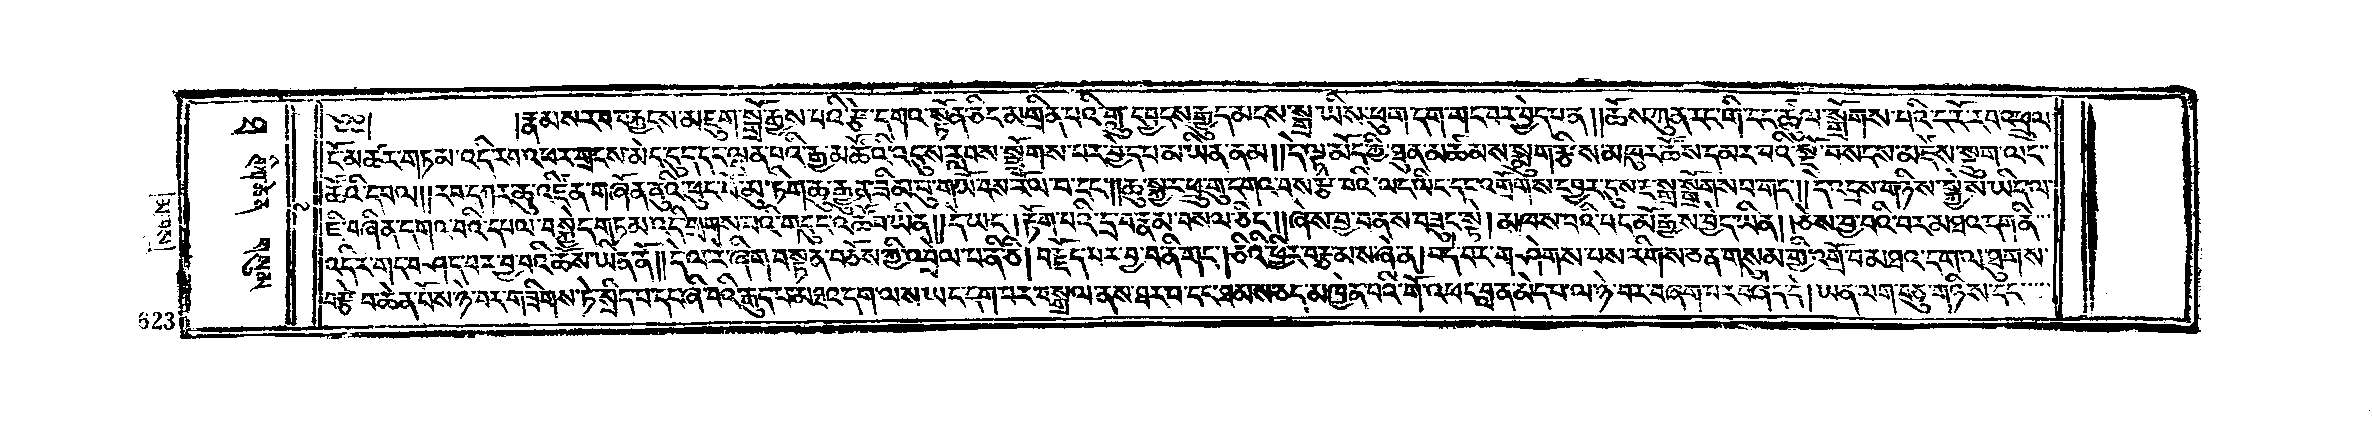༄༅། །རྣམས་རབ་བརྐྱངས་མཇུག་སྒྲོ་རྒྱས་པའི་རྩེ་དགའ་སྟོན་ཅིང་མགྲིན་པའི་གླུ་དབྱངས་རྒྱུད་མངས་སྒྲ་ཡིས་ཕུག་དག་གང་བར་བྱེད་པ་ན། །ཆོས་ཀུན་རང་གི་ངང་ཚུལ་སྒྲོགས་པའི་ང་རོ་རབ་འཕྲུལ་
ངོ་མཚར་གཏམ་འདི་རབ་འཕར་གྲངས་མེད་དུད་དང་ལྡན་པའི་རྒྱ་མཚོའི་འདུས་རླབས་སྦྲོགས་པར་བྱེད་པ་མ་ཡིན་ནམ། །དེ་ལྟ་མོད་ཀྱི་ཐུན་མཚམས་སྨུག་རྩིས་མཁུར་ཚོས་དམར་བའི་སྔོ་བསངས་མཛེས་སྡུག་ལང་
ཚོའི་དཔལ། །རབ་དཀར་ཆུ་འཛིན་གཞོན་ནུའི་ཕུང་པོ་མུ་ཏིག་ཆུ་རྒྱུན་ཟིམ་བུ་གཡོ་བས་རོལ་བ་དང་། །ཆུ་སྐྱར་ཕྲུ་གུ་དགའ་བས་རྩ་བའི་ལང་ལིང་དང་འགྲོགས་དབྱར་དུས་རྔ་སྒྲ་སྒྲོགས་བ་གང་། །དེ་འདྲས་གཉིས་སྐྱེས་ཡིད་ལ་
ཇི་བཞིན་དགའ་བའི་དཔལ་བསྐྱེད་གཏམ་འདི་གྲགས་པའི་གདུང་འཚོབ་ཡིན། །དེ་ཡང་། རྟོག་པའི་དྲ་བ་རྣམ་བསལ་ཅིང་། །ཞེས་བྱ་བ་ནས་བཟུང་སྟེ། མཁས་པའི་པད་མོ་རྒྱས་བྱེད་ཡིན། །ཅེས་བྱ་བའི་བར་མཐའ་དག་ནི་
འདིར་གང་བཤད་བར་བྱ་བའི་ཆོས་ཡིན་ནོ། །དེ་ལ་རེ་ཞིག་བསྟན་བཅོས་ཀྱི་འབྲེལ་པ་ནི་ཅི། བརྗོད་པར་བྱ་བ་ནི་གང་། ཅིའི་ཕྱིར་བརྩམས་ཞེ་ན། བདེ་བར་གཤེགས་པས་རིགས་ཅན་གསུམ་གྱི་འགྲོ་བ་མཐའ་དག་ལ་ཐུགས་
བརྩེ་བ་ཆེན་པོས་ཉེ་བར་གཟིགས་ཏེ་སྲིད་པ་དང་ཞི་བའི་རྒུད་པ་མཐའ་དག་ལས་ཡང་དག་པར་བསྒྲལ་ནས་ཐར་པ་དང་ཐམས་ཅད་མཁྱེན་པའི་གོ་འཕང་བླ་ན་མེད་པ་ལ་ཉེ་བར་བཞག་པར་བཞེད་དེ། ཡན་ལག་བཅུ་གཉིས་དང་